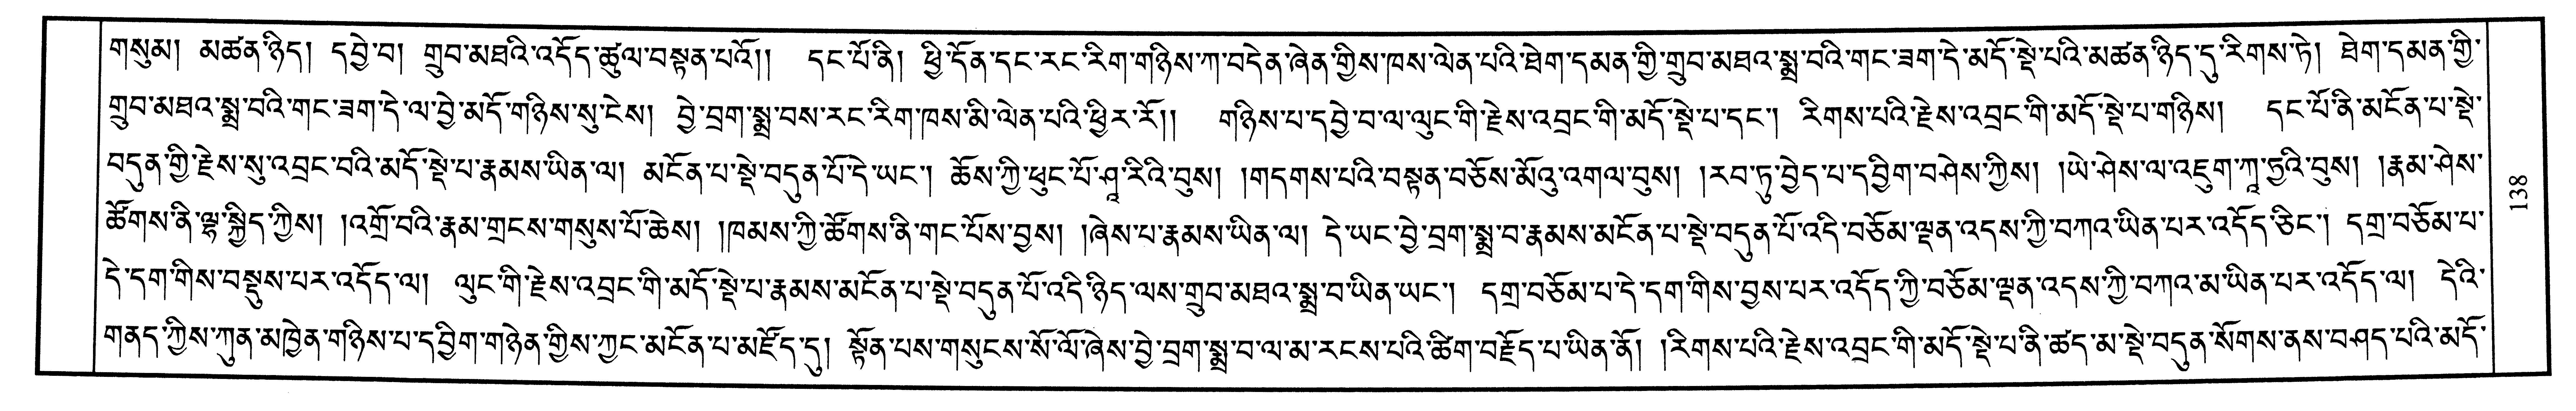གསུམ། མཚན་ཉིད། དབྱེ་བ། གྲུབ་མཐའི་འདོད་ཚུལ་བསྟན་པའོ།། དང་པོ་ནི། ཕྱི་དོན་དང་རང་རིག་གཉིས་ཀ་བདེན་ཞེན་གྱིས་ཁས་ལེན་པའི་ཐེག་དམན་གྱི་གྲུབ་མཐའ་སྨྲ་བའི་གང་ཟག་དེ་མདོ་སྡེ་པའི་མཚན་ཉིད་དུ་རིགས་ཏེ། ཐེག་དམན་གྱི་
གྲུབ་མཐའ་སྨྲ་བའི་གང་ཟག་དེ་ལ་བྱེ་མདོ་གཉིས་སུ་ངེས། བྱེ་བྲག་སྨྲ་བས་རང་རིག་ཁས་མི་ལེན་པའི་ཕྱིར་རོ།། གཉིས་པ་དབྱེ་བ་ལ་ལུང་གི་རྗེས་འབྲང་གི་མདོ་སྡེ་པ་དང་། རིགས་པའི་རྗེས་འབྲང་གི་མདོ་སྡེ་པ་གཉིས། དང་པོ་ནི་མངོན་པ་སྡེ་
བདུན་གྱི་རྗེས་སུ་འབྲང་བའི་མདོ་སྡེ་པ་རྣམས་ཡིན་ལ། མངོན་པ་སྡེ་བདུན་པོ་དེ་ཡང་། ཆོས་ཀྱི་ཕུང་པོ་ཤཱ་རིའི་བུས། །གདགས་པའི་བསྟན་བཅོས་མོའུ་འགལ་བུས། །རབ་ཏུ་བྱེད་པ་དབྱིག་བཤེས་ཀྱིས། །ཡེ་ཤེས་ལ་འཇུག་ཀཱ་ཏྱའི་བུས། །རྣམ་ཤེས་
ཚོགས་ནི་ལྷ་སྐྱིད་ཀྱིས། །འགྲོ་བའི་རྣམ་གྲངས་གསུས་པོ་ཆེས། །ཁམས་ཀྱི་ཚོགས་ནི་གང་པོས་བྱས། །ཞེས་པ་རྣམས་ཡིན་ལ། དེ་ཡང་བྱེ་བྲག་སྨྲ་བ་རྣམས་མངོན་པ་སྡེ་བདུན་པོ་འདི་བཅོམ་ལྡན་འདས་ཀྱི་བཀའ་ཡིན་པར་འདོད་ཅིང་། དགྲ་བཅོམ་པ་
དེ་དག་གིས་བསྡུས་པར་འདོད་ལ། ལུང་གི་རྗེས་འབྲང་གི་མདོ་སྡེ་པ་རྣམས་མངོན་པ་སྡེ་བདུན་པོ་འདི་ཉིད་ལས་གྲུབ་མཐའ་སྨྲ་བ་ཡིན་ཡང་། དགྲ་བཅོམ་པ་དེ་དག་གིས་བྱས་པར་འདོད་ཀྱི་བཅོམ་ལྡན་འདས་ཀྱི་བཀའ་མ་ཡིན་པར་འདོད་ལ། དེའི་
གནད་ཀྱིས་ཀུན་མཁྱེན་གཉིས་པ་དབྱིག་གཉེན་གྱིས་ཀྱང་མངོན་པ་མཛོད་དུ། སྟོན་པས་གསུངས་སོ་ལོ་ཞེས་བྱེ་བྲག་སྨྲ་བ་ལ་མ་རངས་པའི་ཚིག་བརྗོད་པ་ཡིན་ནོ། །རིགས་པའི་རྗེས་འབྲང་གི་མདོ་སྡེ་པ་ནི་ཚད་མ་སྡེ་བདུན་སོགས་ནས་བཤད་པའི་མདོ་